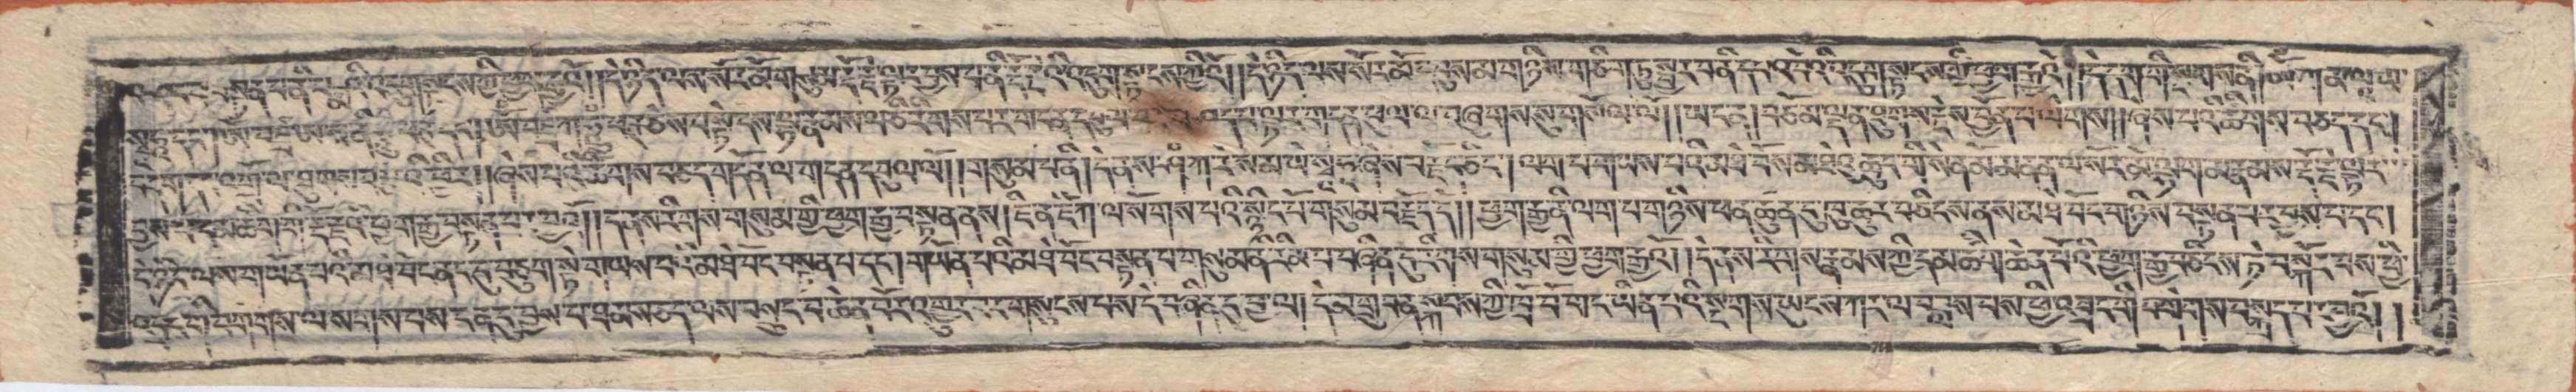བཤད་པ་བསྟན་པ་ནི་པདམའི་འདུག་སྟངས་ཀྱི་ཕྱག་རྒྱའོ། །དེ་ཉིད་ལས་སོར་མོ་གསུམ་རྡོ་རྗེ་ལྟར་བྱས་པ་ནི་རྡོ་རྗེའི་འདུག་སྟངས་ཀྱི་འོ། །དེ་ཉིད་ལས་སོར་མོ་དབུས་མ་གཉིས་གཅིག་ཏུ་སྦྱར་བ་ནི་དཔའ་བོའི་འདུག་སྟངས་ཀྱི་ཕྱག་རྒྱའོ། །དེ་དག་གི་སྔགས་ནི། ཨོཾ་ཀ་མ་ལཱ་ཡ་
སྭཱཧཱ་དང་། ཨོཾ་བཛྲ་ཨ་ས་ནི་ཧཱུཾ་ཕཊ་དང་། ཨོཾ་བཛྲ་ཀ་ཧཱུཾ་ཕཊ་ཅེས་པ་སྟེ་དེས་ལྷ་རྣམས་ལ་ཅི་རིགས་པར་གདན་དབུལ་བར་བཤད་པ་ལྟར་གདན་ཕུལ་ལ་བཞུགས་སུ་གསོལ་ལོ། །ཡང་ན། བཅོམ་ལྡན་ཐུགས་རྗེས་བྱོན་པ་ལེགས། །ཞེས་པའི་ཚིགས་བཅད་དང་།
བདག་དང་འགྲོ་ལ་ཐུགས་བརྩེའི་ཕྱིར། །ཞེས་པའི་ཚིགས་བཅད་གདོན་ལ་གདན་དབུལ་ལོ། །གསུམ་པ་ནི། དེ་ནས་ཤཾ་ཀ་རེ་ས་མ་ཡེ་སྭཱ་ཧཱ་ཞེས་བརྗོད་ཅིང་། ལག་པ་གཡས་པའི་མཐེ་བོས་མཐེའུ་ཆུང་གི་སེན་མོ་མནན་ལ་སོར་མོ་ལྷག་མ་རྣམས་རྡོ་རྗེ་ལྟར་
བྱས་པ་དམ་ཚིག་གི་རྡོ་རྗེའི་ཕྱག་རྒྱ་བསྟན་པར་བྱའོ། །དེ་ནས་རིགས་གསུམ་གྱི་ཕྱག་རྒྱ་བསྟན་ནས། ཛི་ན་ཛིཀ་ལ་སོགས་པའི་སྙིང་པོ་གསུམ་བརྗོད་དོ། །ཕྱག་རྒྱ་ནི་ལག་པ་གཉིས་ཕན་ཚུན་དུ་ཁུ་ཚུར་བཅིངས་ནས་མཐེ་བོང་གཉིས་བསྟན་པར་བྱས་པ་དང་།
དེ་ཉིད་ལས་གཡོན་པའི་མཐེ་བོང་ནང་དུ་བཅུག་སྟེ་གཡས་པའི་མཐེ་བོང་བསྟན་པ་དང་། གཡོན་པའི་མཐེ་བོང་བསྟན་པ་གསུམ་ནི་རིམ་པ་བཞིན་དུ་རིགས་གསུམ་གྱི་ཕྱག་རྒྱའོ། །དེ་ནས་རིགས་རྣམས་ཀྱི་དམ་ཚིག་ཆེན་པོའི་ཕྱག་རྒྱ་བཅིངས་ཏེ་བསྐོར་བས་ཕྱི་
འབྲང་གི་བགེགས་ལ་སོགས་པས་ངན་དུ་བྱས་པ་ཐམས་ཅད་ལས་བསྲུང་བ་ཆེན་པོར་འགྱུར་བར་གསུངས་པས་དེ་བཞིན་དུ་བྱ་ལ། དེ་མ་གྲུབ་ན་སྐབས་ཀྱི་ཁྲོ་བོ་གང་ཡིན་པའི་སྔགས་ཡུངས་ཀར་ལ་བཟླས་པས་ཕྱི་འབྲང་གི་བགེགས་བསྐྲད་པར་བྱའོ།།